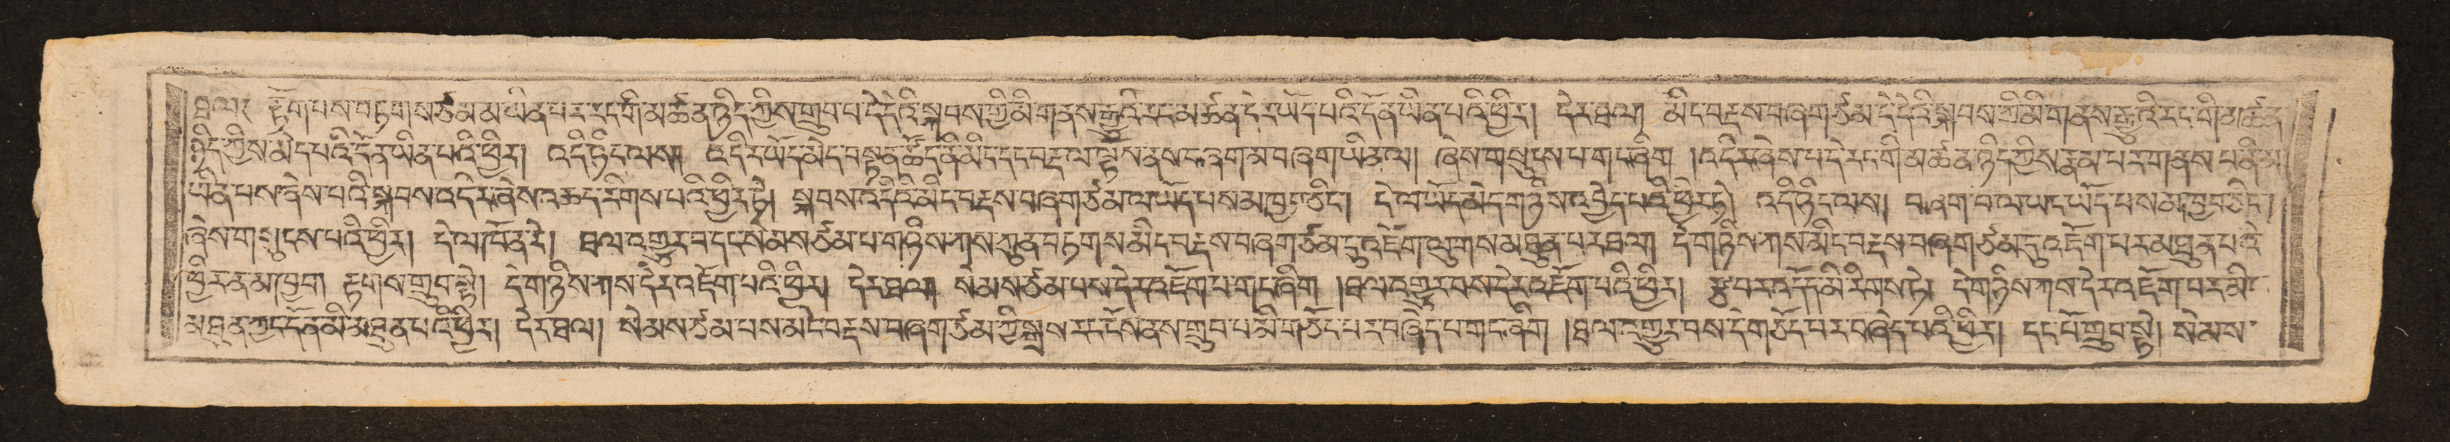ཐལ༑ རྟོག་པས་བཏགས་ཙམ་མ་ཡིན་པར་རང་གི་མཚན་ཉིད་ཀྱིས་གྲུབ་པ་དེ་དེའི་སྐབས་གྱི་མི་གནས་རྒྱུའི་རང་མཚན་དེར་ཡོད་པའི་དོན་ཡིན་པའི་ཕྱིར། དེར་ཐལ། མིང་བརྡས་བཞག་ཙམ་དེ་དེའི་སྐབས་ཀྱི་མི་གནས་རྒྱུའི་རང་གི་མཚན་
ཉིད་ཀྱིས་མེད་པའི་དོན་ཡིན་པའི་ཕྱིར། འདི་ཉིད་ལས། འདིར་ཡོད་མེད་བསྟན་ཚོད་ནི་མིང་དང་བརྡ་ལ་ལྟོས་ནས་བཞག་མ་བཞག་ཡིན་ལ། ཞེས་གསུངས་པ་གང་ཞིག །འདིར་ཞེས་པ་དེ་རང་གི་མཚན་ཉིད་ཀྱིས་རྣམ་པར་གནས་པ་ནི་མ་
ཡིན་པས་ཞེས་པའི་སྐབས་འདིར་ཞེས་འཆད་རིགས་པའི་ཕྱིར་ཏེ། སྐབས་འདིའི་མིང་བརྡས་བཞག་ཙམ་ལ་ཡོད་པས་མ་ཁྱབ་ཅིང་། དེ་ལ་ཡོད་མེད་གཉིས་འབྱེད་པའི་ཕྱིར་ཏེ། འདི་ཉིད་ལས། བཞག་པ་ལ་ཡང་ཡོད་པས་མ་ཁྱབ་ཅིང་།
ཞེས་གསུངས་པའི་ཕྱིར། དེ་ལ་ཁོ་ན་རེ། ཐལ་འགྱུར་བ་དང་སེམས་ཙམ་པ་གཉིས་ཀས་ཀུན་བཏགས་མིང་བརྡས་བཞག་ཙམ་དུ་འཇོག་ལུགས་མཐུན་པར་ཐལ། དེ་གཉིས་ཀས་མིང་བརྡས་བཞག་ཙམ་དུ་འཇོག་པར་མཐུན་པའི་
ཕྱིར་ན་མ་ཁྱབ། རྟགས་གྲུབ་སྟེ། དེ་གཉིས་ཀས་དེར་འཇོག་པའི་ཕྱིར། དེར་ཐལ། སེམས་ཙམ་པས་དེར་འཇོག་པ་གང་ཞིག །ཐལ་འགྱུར་བས་དེར་འཇོག་པའི་ཕྱིར། རྩ་བར་འདོད་མི་རིགས་ཏེ། དེ་གཉིས་ཀས་དེར་འཇོག་པར་མིང་
མཐུན་ཀྱང་དོན་མི་མཐུན་པའི་ཕྱིར། དེར་ཐལ། སེམས་ཙམ་པས་མིང་བརྡས་བཞག་ཙམ་ཀྱི་སྒྲས་རང་ངོས་ནས་གྲུབ་པ་མི་གཅོད་པར་བཞེད་པ་གང་ཞིག །ཐལ་འགྱུར་བས་དེ་གཅོད་པར་བཞེད་པའི་ཕྱིར། དང་པོ་གྲུབ་སྟེ། སེམས་